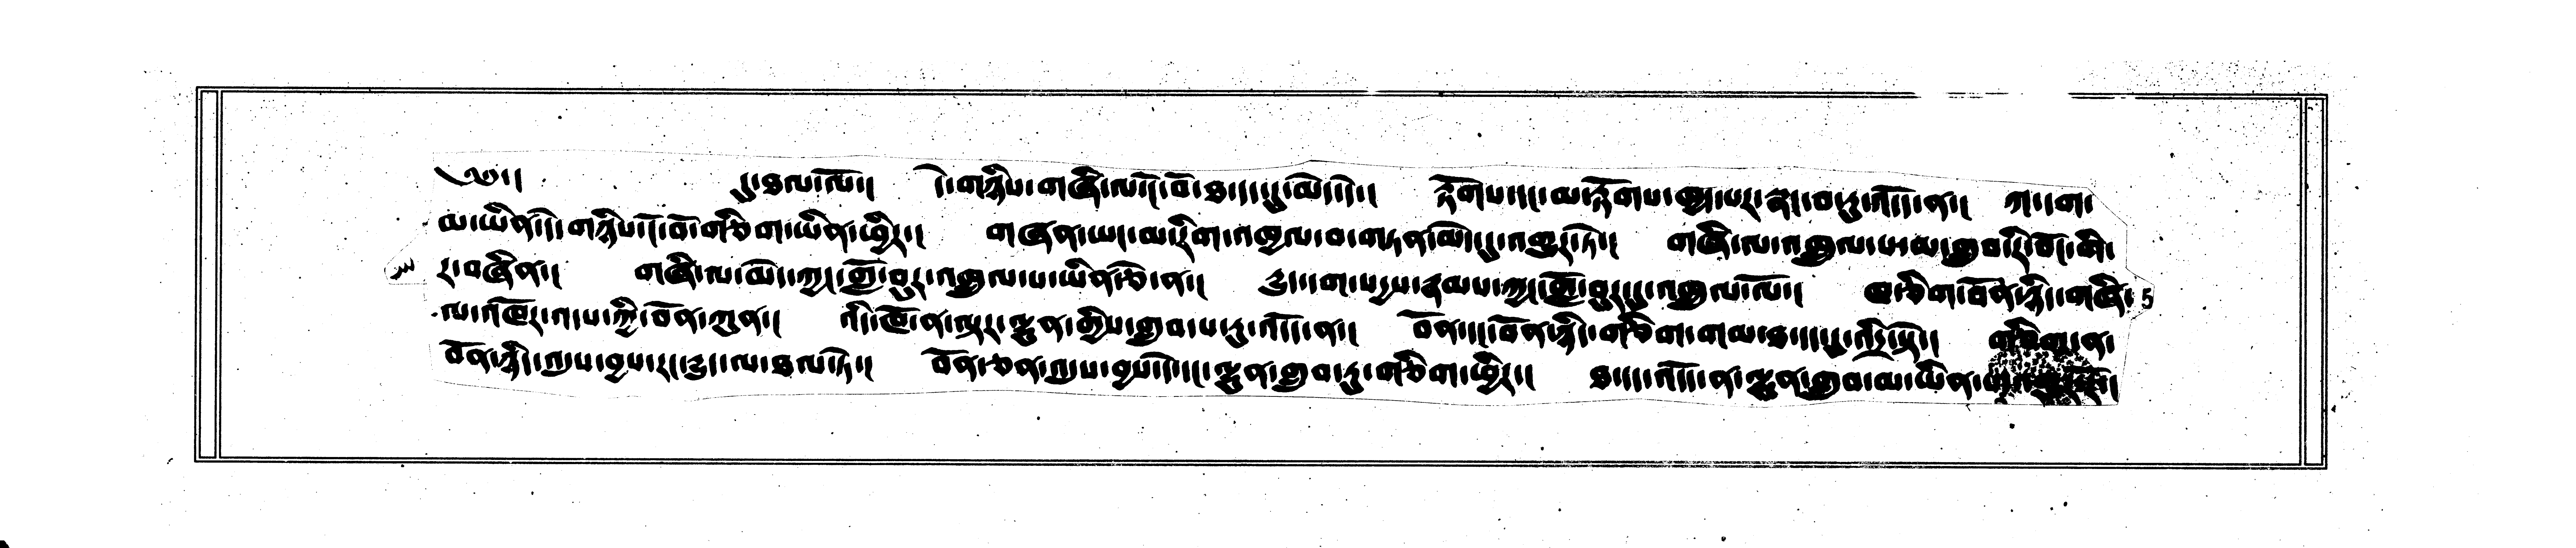དུ་ཐལ་ལོ། །དེ་གཉིས་གཞི་ལ་ངོ་བོ་ཐ་དད་དུ་མེད་དེ། །རྟོགས་དང་མ་རྟོགས་ཁྱད་པར་སྣང་བ་རུ་འདོད་ན། །ཀ་དག་
མ་ཡིན་དེ་གཉིས་ངོ་བོ་གཅིག་ཡིན་ཕྱིར། །གཞན་ཡང་མ་རིག་འཁྱལ་བ་གཏན་མེད་དུ་འགྱུར་ཏེ། གཞི་ལ་འཁྲུལ་པ་མ་གྲུབ་རི་བོང་གི་
རྭ་བཞིན། །གཞི་ལ་མེད་ཀྱང་གློ་བུར་འཁྲུལ་པ་ཡིན་ཅེ་ན། རྒྱུད་དག་སངས་རྒྱས་རྣམས་ཀྱང་གློ་བུར་དུ་འཁྲུལ་ལོ། །ཁ་ཅིག་བོན་ཉིད་གཞི་
ལ་འཁོར་འདས་ཀྱི་བོན་ཀུན། །འདི་ཁོ་ན་ལྟར་ལྷུན་གྱིས་གྲུབ་པ་རུ་འདོད་ན། །བོན་དང་བོན་ཉིད་གཅིག་གམ་ཐ་དད་དུ་འདྲི་སྟེ། །གཅིག་ན་
བོན་ཉིད་འདུས་བྱས་རང་རྒྱུད་ལ་ཐལ་ཏེ། །བོན་ཅན་འདུས་བྱས་དེ་དང་ལྷུན་གྲུབ་ཏུ་གཅིག་ཕྱིར། །ཐ་དད་འདོད་ན་ལྷུན་གྲུབ་མ་ཡིན་པར་འགྱུར་རོ། །